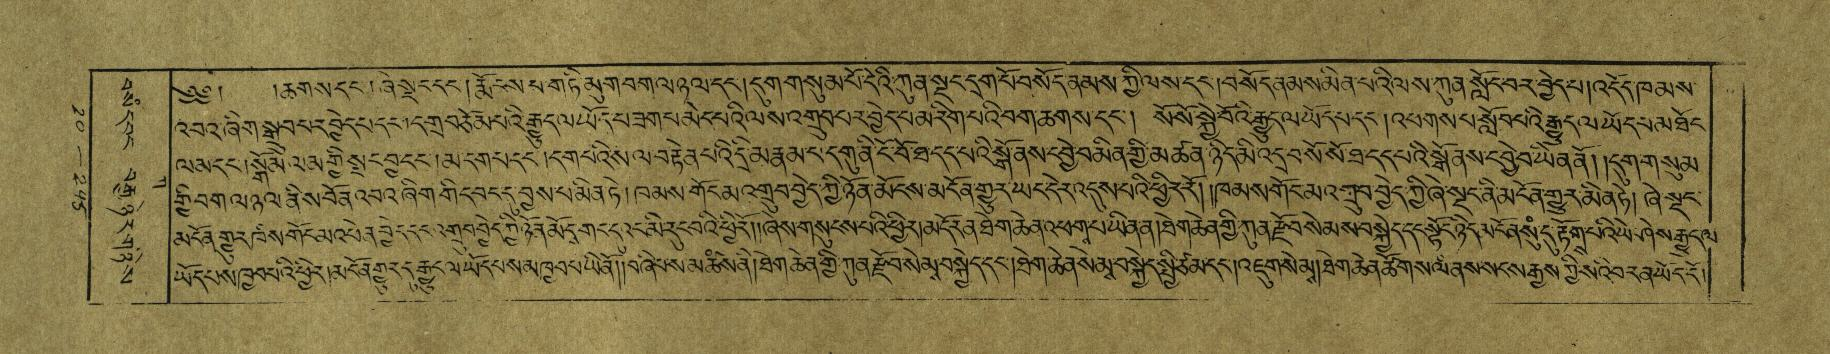༄༅། །ཆགས་དང་། ཞེ་སྡང་དང་། རྨོངས་པ་གཏི་མུག་བག་ལ་ཉལ་དང་། དུག་གསུམ་པོ་དེའི་ཀུན་སྡང་དྲག་པོ་བསོད་ནམས་ཀྱི་ལས་དང་། བསོད་ནམས་མིན་པའི་ལས་ཀུན་སློང་བར་བྱེད་པ། འདོད་ཁམས་
འབའ་ཞིག་སྒྲུབ་པར་བྱེད་པ་དང་། དགྲ་བཅོམ་པའི་རྒྱུད་ལ་ཡོད་པ་ཟག་པ་མེད་པའི་ལས་འགྲུབ་པར་བྱེད་པ་མ་རིག་པའི་བག་ཆགས་དང་། སོ་སོ་སྐྱེ་བོའི་རྒྱུད་ལ་ཡོད་པ་དང་། འཕགས་པ་སློབ་པའི་རྒྱུད་ལ་ཡོད་པ་མཐོང་
ལམ་དང་། སྒོམ་ལམ་གྱི་སྤང་བྱ་དང་། མ་དག་པ་དང་། དག་པའི་ས་ལ་བརྟེན་པའི་དྲི་མ་རྣམ་པ་དགུ་ནི་ངོ་བོ་ཐ་དད་པའི་སྒོ་ནས་དབྱེ་བ་མིན་གྱི་མཚན་ཉིད་མི་འདྲ་བ་སོ་སོ་ཐ་དད་པའི་སྒོ་ནས་དབྱེ་བ་ཡིན་ནོ། །དུག་གསུམ་
གྱི་བག་ལ་ཉལ་ནི་ས་བོན་འབའ་ཞིག་གི་དབང་དུ་བྱས་པ་མིན་ཏེ། ཁམས་གོང་མ་འགྲུབ་བྱེད་ཀྱི་ཉོན་མོངས་མངོན་གྱུར་ཡང་དེར་འདུས་པའི་ཕྱིར་རོ། །ཁམས་གོང་མ་འགྲུབ་བྱེད་ཀྱི་ཞེ་སྡང་ནི་མངོན་གྱུར་མིན་ཏེ། ཞེ་སྡང་
མངོན་གྱུར་ཁཾས་གོང་མ་འཕེན་བྱེད་དང་འགྲུབ་བྱེད་ཀྱི་ཉོན་མོངས་གང་དུའང་མི་རུང་བའི་ཕྱིརོ། །ཞེས་གསུངས་པའི་ཕྱིར། མདོར་ན་ཐེག་ཆེན་འཕགས་པ་ཡིན་ན། ཐེག་ཆེན་གྱི་ཀུན་རྫོབ་སེམས་བསྐྱེད་དང་སྟོང་ཉིད་མངོན་སུཾ་དུ་རྟོགས་པའི་ཡེ་ཤེས་རྒྱུད་ལ་
ཡོད་པས་ཁྱབ་པའི་ཕྱིར། མངོན་གྱུར་དུ་རྒྱུད་ལ་ཡོད་པས་མ་ཁྱབ་པ་ཡིནོ། །བཞི་པས་མཚཾས་ནི། ཐེག་ཆེན་གྱི་ཀུན་རྫོབ་སེམས་བསྐྱེད་དང་། ཐེག་ཆེན་སེམས་བསྐྱེད་སྤྱི་ཙམ་དང་། འཇུག་སེམས། ཐེག་ཆེན་ཚོགས་ལཾ་ནས་སངས་རྒྱས་ཀྱི་སའི་བར་ན་ཡོད་དོ།